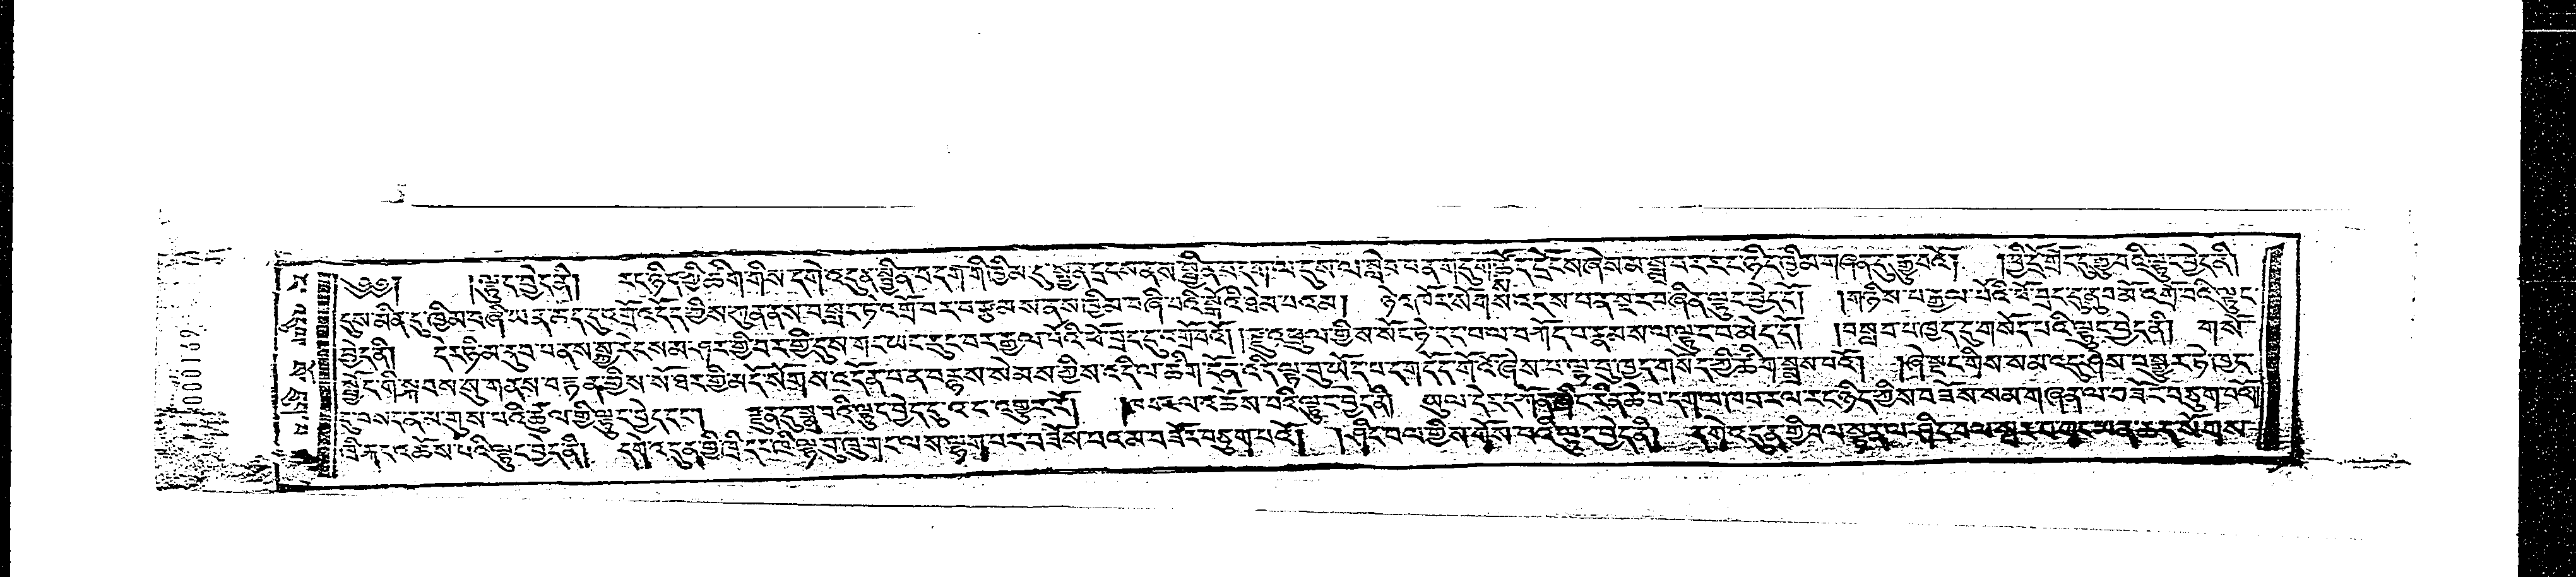༄༅། །ལྟུང་བྱེད་ནི། རང་ཉིད་ཀྱི་ཚིག་གིས་དགེ་འདུན་སྦྱིན་བདག་གི་ཁྱིམ་དུ་སྤྱན་དྲངས་ནས་སྦྱིན་བདག་ལ་དུས་ལ་སླེབ་པ་ན་གདུགས་ཚོད་དྲོངས་ཞེས་མ་སྨྲ་བར་རང་ཉིད་ཁྱིམ་གཞན་དུ་རྒྱུ་བའོ། །ཕྱི་དྲོ་གྲོང་དུ་རྒྱུ་བའི་ལྟུང་བྱེད་ནི།
དུས་མིན་དུ་ཁྱིམ་བཞི་ཡན་ཆད་དུ་འགྲོ་འདོད་ཀྱིས་ཀུན་ནས་བསླང་ཏེ་འགྲོ་བར་བརྩམས་ནས་ཁྱིམ་བཞི་པའི་སྒོའི་ཐེམ་པའམ། ཉེ་འཁོར་སོགས་འདས་པ་ན་སྔར་བཞིན་ལྟུང་བྱེད་དོ། །གཉིས་པ་རྒྱལ་པོའི་ཕོ་བྲང་དུ་ནུབ་མོ་འགྲོ་བའི་ལྟུང་
བྱེད་ནི། དེར་ཉི་མ་ནུབ་པ་ནས་སྐྱ་རེངས་མ་ཤར་གྱི་བར་གྱི་དུས་གང་ཡང་རུང་བར་རྒྱལ་པོའི་ཕོ་བྲང་དུ་འགྲོ་བའོ། །རྫུ་འཕྲུལ་གྱིས་སོང་ཏེ་དད་པ་ལ་བཀོད་པ་རྣམས་ལ་ལྟུང་བ་མེད་དོ། །བསླབ་པ་ཁྱད་དུ་གསོད་པའི་ལྟུང་བྱེད་ནི། གསོ་
སྦྱོང་གི་སྐབས་སུ་གནས་བརྟན་གྱིས་སོ་ཐར་གྱི་མདོ་སོགས་འདོན་པ་ན་བརྙས་སེམས་ཀྱིས་འདི་ལ་ཚིག་དོན་འདི་ལྟ་བུ་ཡོད་པ་དག་དོད་གོའོ་ཞེས་པ་ལྟ་བུ་ཁྱད་གསོད་ཀྱི་ཚིག་སྨྲས་པའོ། །ཞེ་སྡང་གིས་སམ་འདུ་ཤེས་བསྒྱུར་ཏེ་ཁྱད་
དུ་བསད་ན་མ་གུས་པའི་ཚུལ་གྱི་ལྟུང་བྱེད་དང་། རྫུན་དུ་སྨྲ་བའི་ལྟུང་བྱེད་དུ་འང་འགྱུར་རོ། །ཁབ་རལ་འཆོས་པའི་ལྟུང་བྱེད་ནི། ཡུལ་དེར་དཀོན་ཞིང་རིན་ཆེ་བ་དག་ལ་ཁབ་རལ་རང་ཉིད་ཀྱིས་བཟོས་སམ་གཞན་ལ་བཟོད་བཅུག་པའོ།
ཁྲི་རྐང་འཆོས་པའི་ལྟུང་བྱེད་ནི། དགེ་འདུན་གྱི་ཁྲི་དང་ཁྲི་ལྟ་བུ་ཁྲུ་གང་ལས་ལྷག་པར་བཟོས་པའམ་བཟོར་བཅུག་པའོ། །ཤིང་བལ་གྱིས་གོས་པའི་ལྟུང་བྱེད་ནི། དགེ་འདུན་གྱི་བལ་སྟན་ལ་ཤིང་བལ་སྦར་བ་གང་ཡན་ཆད་སོགས་